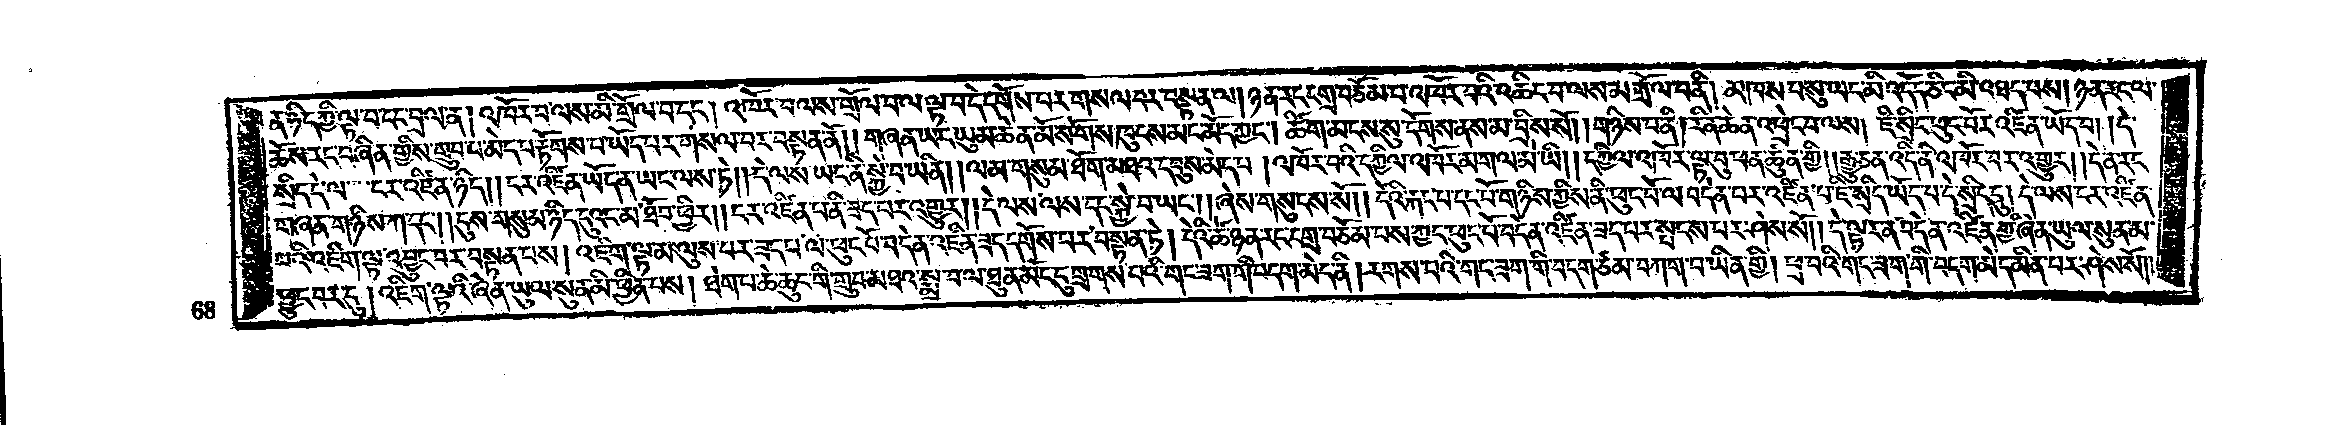ན་ཉིད་ཀྱི་ལྟ་བ་དང་བྲལ་ན། འཁོར་བ་ལས་མི་གྲོལ་བ་དང་། འཁོར་བ་ལས་གྲོལ་བ་ལ་ལྟ་བ་དེ་དགོས་པར་གསལ་བར་བསྟན་ལ། ཉན་རང་དགྲ་བཅོམ་པ་འཁོར་བའི་འཆིང་བ་ལས་མ་གྲོལ་བ་ནི། མཁས་པ་སུ་ཡང་མི་འདོད་ཅིང་མི་འཐད་པས། ཉན་རང་ལ་
ཆོས་རང་བཞིན་གྱིས་གྲུབ་པ་མེད་པ་རྟོགས་པ་ཡོད་པར་གསལ་བར་བསྟན་ནོ། །གཞན་ཡང་ཡུམ་ཆེན་མོ་སོགས་ཁུངས་མང་མོད་ཀྱང་། ཚིག་མངས་སུ་དོགས་ནས་མ་བྲིས་སོ། །གཉིས་པ་ནི། རིན་ཆེན་འཕྲེང་བ་ལས། ཇི་སྲིད་ཕུང་པོར་འཛིན་ཡོད་པ། །དེ་
སྲིད་དེ་ལ་ངར་འཛིན་ཉིད། །ངར་འཛིན་ཡོད་ན་ཡང་ལས་ཏེ། །དེ་ལས་ཡང་ནི་སྐྱེ་བ་ཡིན། །ལམ་གསུམ་ཐོག་མཐའ་དབུས་མེད་པ། འཁོར་བའི་དཀྱིལ་འཁོར་མགལ་མེ་ཡི། །དཀྱིལ་འཁོར་ལྟ་བུ་ཕན་ཚུན་གྱི། །རྒྱུ་ཅན་འདི་ནི་འཁོར་བར་འགྱུར། །དེ་ནི་རང་
གཞན་གཉིས་ཀ་དང་། །དུས་གསུམ་ཉིད་དུའང་མ་ཐོབ་ཕྱིར། །ངར་འཛིན་པ་ནི་ཟད་པར་འགྱུར། །དེ་ལས་ལས་དང་སྐྱེ་བ་ཡང་། །ཞེས་གསུངས་སོ། །དེའི་རྐང་པ་དང་པོ་གཉིས་ཀྱིས་ནི་ཕུང་པོ་ལ་བདེན་པར་འཛིན་པ་ཇི་སྲིད་ཡོད་པ་དེ་སྲིད་དུ། དེ་ལས་ངར་འཛིན་
པའི་འཇིག་ལྟ་འབྱུང་བར་བསྟན་པས། འཇིག་ལྟ་མ་ལུས་པར་ཟད་པ་ལ་ཕུང་པོ་བདེན་འཛིན་ཟད་དགོས་པར་བསྟན་ཏོ། དེའི་ཚེ་ཉན་རང་དགྲ་བཅོམ་པས་ཀྱང་ཕུང་པོ་བདེན་འཛིན་ཟད་པར་སྤངས་པར་ཤེས་སོ། །དེ་ལྟར་ན་བདེན་འཛིན་གྱི་ཞེན་ཡུལ་སུན་མ་
ཕྱུང་བར་དུ། འཇིག་ལྟའི་ཞེན་ཡུལ་སུན་མི་ཕྱིན་པས། ཐེག་པ་ཆེ་ཆུང་གི་གྲུབ་མཐའ་སྨྲ་བ་ལ་ཐུན་མོང་དུ་གྲགས་པའི་གང་ཟག་གི་བདག་མེད་ནི། རགས་པའི་གང་ཟག་གི་བདག་ཙམ་བཀག་པ་ཡིན་གྱི། ཕྲ་བའི་གང་ཟག་གི་བདག་མེད་མིན་པར་ཤེས་སོ། །